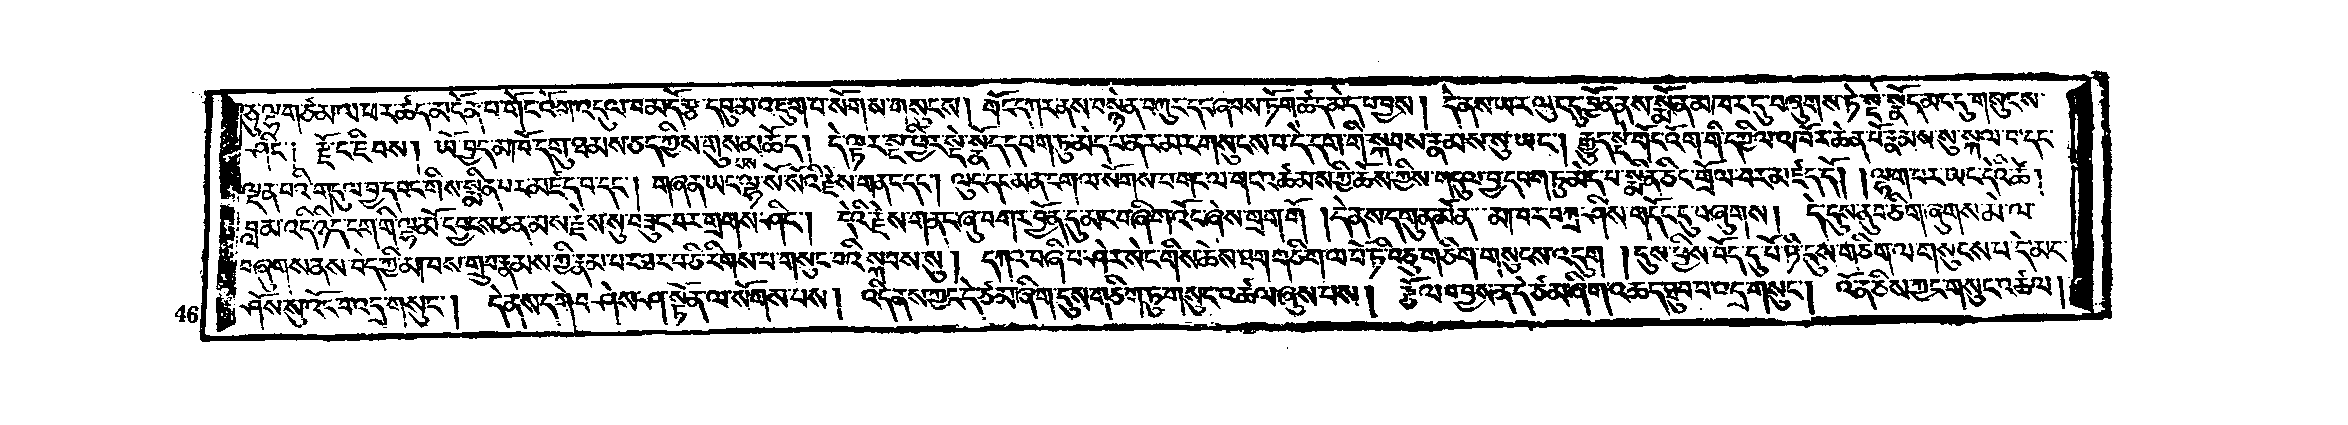ཅུ་ལྷག་ཙམ་ལ་ཕར་ཚད་མངོན་པ་གོང་འོག་འདུལ་བ་མདོ་རྩ་དབུ་མ་འཇུག་པ་སོགས་གསུངས། གོང་དཀར་ནས་བསྙེན་བཀུར་དང་ཞབས་ཏོག་ཚད་མེད་པ་བྱས། དེ་ནས་ཡར་ལུང་དུ་བྱོན་ནས་སྨོན་མཁར་དུ་བཞུགས་ཏེ་སྡེ་སྣོད་མང་དུ་གསུངས་
ཤིང་། རྫོང་ཇི་བས། ཡོ་བྱད་མཁོ་དགུ་ཐམས་ཅད་ཀྱིས་གུས་པས་མཆོད། དེ་ལྟར་སྔ་ཕྱིར་སྡེ་སྣོད་དཔག་ཏུ་མེད་པ་ནར་མར་གསུངས་པ་དེ་དག་གི་སྐབས་རྣམས་སུ་ཡང་། རྒྱུད་སྡེ་གོང་འོག་གི་དཀྱིལ་འཁོར་ཆེན་པོ་རྣམས་སུ་སྐལ་བ་དང་
ལྡན་པའི་གདུལ་བྱ་དབང་གིས་སྨིན་པར་མཛད་པ་དང་། གཞན་ཡང་ལྷ་སོ་སོའི་རྗེས་གནང་དང་། ལུང་དང་མན་ངག་ལ་སོགས་པ་གང་ལ་གང་འཚམས་ཀྱི་ཆོས་ཀྱིས་གདུལ་བྱ་དཔག་ཏུ་མེད་པ་སྨིན་ཅིང་གྲོལ་བར་མཛད་དོ། །ལྷག་པར་ཡང་དེའི་ཚེ།
བླ་མ་འདི་ཉིད་ངག་གི་ལྷ་མོ་དབྱངས་ཅན་མས་རྗེས་སུ་བཟུང་བར་གྲགས་ཤིང་། དེའི་རྗེས་གནང་ཞུ་བ་གར་བྱོན་དུ་མང་བ་ཞིག་འོང་ཞེས་གྲག་གོ །དེ་ནས་དགུན་མོན་མཁར་བཀྲ་ཤིས་གདོང་དུ་བཞུགས། དེ་དུས་ནུབ་ཅིག་ཞུགས་མེ་ལ་
བཞུགས་ནས་བོད་ཀྱི་མཁས་གྲུབ་རྣམས་ཀྱི་རྣམ་པར་ཐར་པ་ཅི་རིགས་པ་གསུང་བའི་སྐབས་སུ། དཀའ་བཞི་པ་ཤེར་སེང་གིས་ཆེས་ཐག་གཅིག་ལ་པོ་ཏི་བཅུ་གཅིག་གསུངས་འདུག །དུས་ཕྱིས་བོད་དུ་པོ་ཏི་དུས་གཅིག་ལ་གསུངས་པ་དེ་མང་
ཤོས་སུ་འོང་བ་འདྲ་གསུང་། དེ་ནས་དགེ་བཤེས་ཤ་སྟོན་ལ་སོགས་པས། འདི་ནས་ཀྱང་དེ་ཙམ་ཞིག་དུས་གཅིག་ཏུ་གསུང་འཚལ་ཞུས་པས། རྩོལ་བ་བྱས་ན་དེ་ཙམ་ཞིག་འཆད་ཐུབ་པ་འདྲ་གསུང་། འོ་ན་ཅིས་ཀྱང་གསུང་འཚལ།